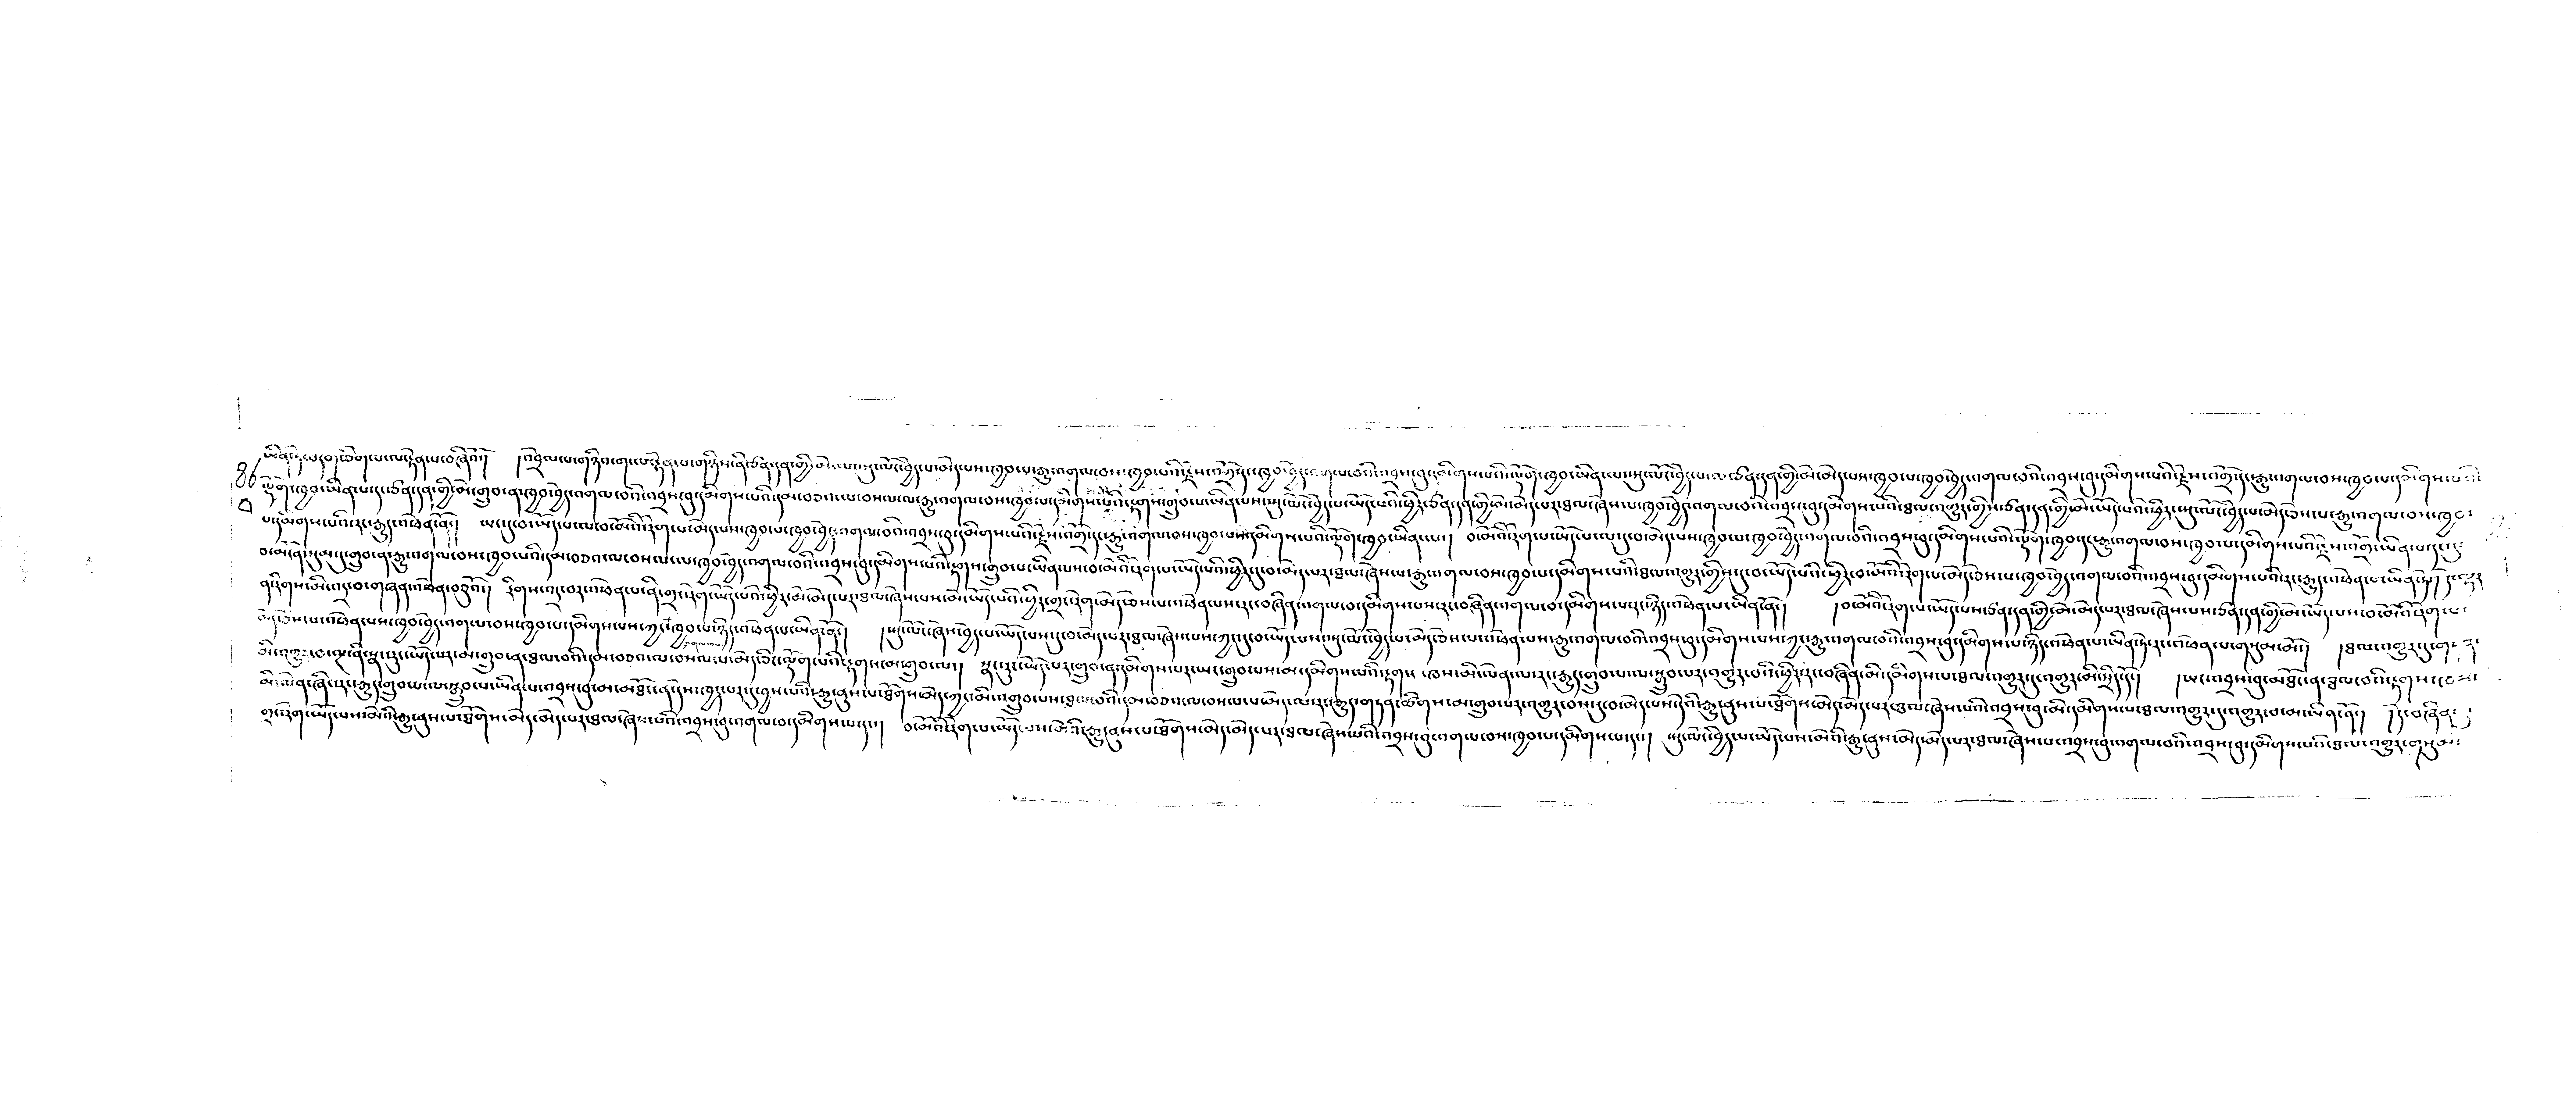ཡིན་ཏེ་བདག་ཅིག་པ་ལ་རྟེན་པ་བཞིའོ། །འབྲེལ་པ་གཉིའ་ག་ལ་རྟེན་པ་གཉིས་ནི་ཙན་དན་གྱི་མེད་ལ་སྤུ་ལོང་བྱེད་པ་མེད་པ་ཁྱབ་པ་རྒྱུ་འགལ་བས་ཁྱབ་པའི་རྗེས་འགྲོ་དང་ཁྱབ་བྱེད་འགལ་བའི་འབྲས་བུ་དམིགས་པའི་ལྡོག་ཁྱབ་ཡིན་ལ་སུ་ལོ་བྱེད་པ་ལ་ཙན་དན་གྱི་མེ་མེད་པས་ཁྱབ་པ་ཁྱབ་བྱེད་འགལ་བའི་འབྲས་བུ་དམིགས་པའི་རྗེས་འགྲོ་དེ་རྒྱུ་འགལ་བས་ཁྱབ་པ་དམིགས་པའི་
ལྡོག་ཁྱབ་ཡིན་པ་དང་ཙན་དན་གྱི་མེ་གྲུབ་ན་ཁྱབ་བྱེད་འགལ་བའི་འབྲས་བུ་དམིགས་པའི་དམ་བཅའ་ལ་བསལ་ལ་རྒྱུ་འགལ་བས་ཁྱབ་པ་དམིགས་པའི་རྟགས་གྲུབ་པ་ཡིན་པས་སུ་ལོང་བྱེད་པ་ཡོད་པའི་ཕྱིར་ཙན་དན་གྱི་མེ་མེད་པར་ཐལ་ཞེས་པ་ཁྱབ་བྱེད་འགལ་བའི་འབྲས་བུ་དམིགས་པའི་ཐལ་འགྱུར་གྱིས་ཙན་དན་གྱི་མེ་ཡོད་པའི་ཕྱིར་སྤུ་ལོང་བྱེད་པ་མེད་ཅེས་པ་རྒྱུ་འགལ་བས་ཁྱབ་
པ་དམིགས་པའི་རང་རྒྱུད་འཕེན་ནོ། ཡང་དུ་བ་ཡོད་པ་ལ་བ་མོའི་རིག་པ་མེད་པ་ཁྱབ་པ་ཁྱབ་བྱེད་འགལ་བའི་འབྲས་བུ་དམིགས་པའི་རྗེས་འགྲོ་དང་རྒྱུ་འགལ་བས་ཁྱབ་པས་དམིགས་པའི་ལྡོག་ཁྱབ་ཡིན་པ། བ་མོའི་རིག་པ་ཡོད་པ་ལ་དུ་བ་མེད་པས་ཁྱབ་པ་ཁྱབ་བྱེད་འགལ་བའི་འབྲས་བུ་དམིགས་པའི་ལྡོག་ཁྱབ་དན་སྒྱུ་འགལ་བས་ཁྱབ་པ་དམིགས་པའི་རྗེས་འགྲོ་ཡིན་པ་དང་དུ་
བ་མངོན་སུམ་དུ་གྲུབ་ན་རྒྱུ་འགལ་བས་ཁྱབ་པའི་དམ་བཅའ་ལ་བསལ་ལ་ཁྱབ་བྱེད་འགལ་བའི་འབྲས་བུ་དམིགས་པའི་རྟགས་གྲུབ་པ་ཡིན་པས་བ་མེའི་རེག་པ་ཡོད་པའི་ཕྱིར་དུ་བ་མེད་པར་ཐལ་ཞེས་པ་རྒྱུ་འགལ་བས་ཁྱབ་པ་དམིགས་པའི་ཐལ་འགྱུར་གྱིས་དུ་བ་ཡོད་པའི་ཕྱིར་བ་མོའི་རེག་པ་མེད་ཅེས་པ་ཁྱབ་བྱེད་འགལ་བའི་འབྲས་བུ་དམིགས་པའི་རང་རྒྱུད་འཕེན་པ་ཡིན་ཏེ། དེ་ལྟར་
ན་རིགས་མི་འདྲ་བ་གཞན་འཕེན་བཅུའོ། རིགས་འདྲ་བར་འཕེན་པ་ནི་གྲང་རེག་ཡོད་པའི་ཕྱིར་མེ་མེད་པར་ཐལ་ཞེས་པས་མེ་ཡོད་པའི་ཕྱིར་གྲང་རེག་མེད་ཅེས་པ་འཕེན་པས་རང་བཞིན་འགལ་བ་དམིགས་པས་རང་བཞིན་འགལ་བ་དམིགས་པ་རང་ཉིད་འཕེན་པ་ཡིན་ནོ། །བ་མོའི་རེག་པ་ཡོད་པས་ཙན་དན་གྱི་མེ་མེད་པར་ཐལ་ཞེས་པས་ཙན་དན་གྱི་མེ་ཡོད་པས་བ་མོའི་རིག་པ་
མེད་ཅེས་པ་འཕེན་པས་ཁྱབ་བྱེད་འགལ་བས་ཁྱབ་པ་དམིགས་པས་ཀྱང་ཁྱབ་པ་ཉིད་འཕེན་པ་ཡིན་ནོ། །ཡུལ་ལོང་ཞེས་བྱེད་པ་ཡོད་པས་དུ་བ་མེད་པར་ཐལ་ཞེས་པས་ཀྱང་དུ་བ་ཡོད་པས་སུ་ལོང་བྱེད་པ་མེད་ཅེས་པ་འཕེན་པས་རྒྱུ་འགལ་བའི་འབྲས་བུ་དམིགས་པས་ཀྱང་རྒྱུ་འགལ་བའི་འབྲས་བུ་དམིགས་པ་ཉིད་འཕེན་པ་ཡིན་ཏེ་རང་འཕེན་པ་གསུམ་མོ། །ཐལ་འགྱུར་དུ་གཏན་
མི་འགྱུར་བ་ལྔ་ནི་སྣང་རུང་ཡོད་པར་མ་གྲུབ་ན་ཐལ་བའི་དམ་བཅའ་ལ་བསལ་པ་མེད་ཅིང་ལྡོག་པའི་རྟགས་མ་གྲུབ་ལ། སྣང་རུང་ཡོད་པར་གྲུབ་ན་དམིགས་པར་ཡང་གྲུབ་པས་མ་དམིགས་པའི་རྟགས་ཁས་མི་ལེན་ལ་རང་རྒྱུད་གྲུབ་པ་ལ་སྒྲུབ་པར་འགྱུར་པའི་ཕྱིར་རང་བཞིན་མི་དམིགས་པ་ཐལ་འགྱུར་དུ་འགྱུར་མི་སྲིད་དོ། །ཡང་འབྲས་བུ་མཐོང་ན་ཐལ་བའི་རྟགས་ཁས་
མི་ལེན་ཞིང་རང་རྒྱུད་གྲུབ་པ་ལ་སྒྲུབ་པ་ཡིན་པ་འབྲས་བུ་མ་མཐོང་ན་དེས་ཁྱད་པར་དུ་བྱས་པའི་རྒྱུ་ནུས་པ་ཐོགས་མེད་ཀྱང་མི་འགྲུབ་པས་ཐལ་བའི་དམ་བཅའ་ལ་བསལ་པ་མེད་ལ་རང་རྒྱུད་གཏན་ཚིགས་མ་གྲུབ་པར་འགྱུར་བས་དུ་བ་མེད་པས་དེའི་རྒྱུ་ནུས་པ་ཐོགས་མེད་མེད་པར་ཐལ་ཞེས་པའི་འབྲས་བུ་མི་དམིགས་པ་ཐལ་འགྱུར་དུ་འགྱུར་བ་མ་ཡིན་ནོ། །དེ་བཞིན་དུ་
གྲང་རེག་ཡོད་པས་མེའི་རྒྱུ་ནུས་པ་ཐོགས་མེད་པར་ཐལ་ཞེས་པའི་འབྲས་བུ་འགལ་བ་དམིགས་པ་དང་། བ་མོའི་རེག་པ་ཡོད་པས་ཆེའི་རྒྱུ་ནུས་པ་ཐོགས་མེད་མེད་པར་ཐལ་ཞེས་པའི་འབྲས་བུ་འགལ་བས་ཁྱབ་པ་དམིགས་པ་དང་། སྤུ་ལོང་བྱེད་པ་ཡོད་པས་མེའི་རྒྱུ་ནུས་མེད་མེད་པར་ཐལ་ཞེས་པ་འབྲས་བུ་འགལ་བའི་འབྲས་བུ་དམིགས་པའི་ཐལ་འགྱུར་གསུམ་